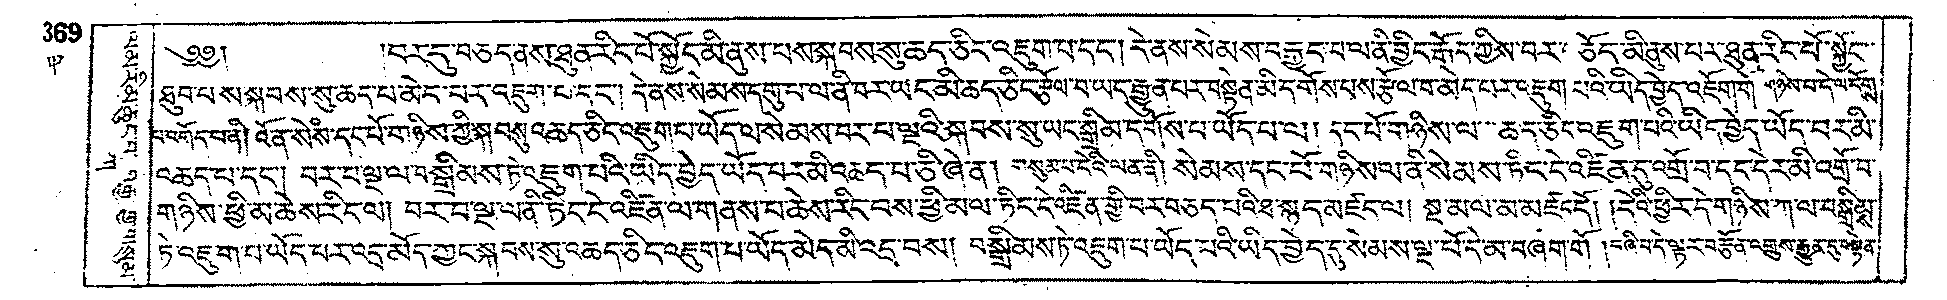༄༅། །བར་དུ་བཅད་ནས་ཐུན་རིང་པོ་སྐྱོང་མི་ནུས་པས་སྐབས་སུ་ཆད་ཅིང་འཇུག་པ་དང་། དེ་ནས་སེམས་བརྒྱད་པ་ལ་ནི་བྱིང་རྒོད་ཀྱིས་བར་བཅོད་མི་ནུས་པར་ཐུན་རིང་པོ་སྐྱོང་
ཐུབ་པས་སྐབས་སུ་ཆད་པ་མེད་པར་འཇུག་པ་དང་། དེ་ནས་སེམས་དགུ་པ་ལ་ནི་བར་ཡང་མི་ཆད་ཅིང་རྩོལ་བ་ཡང་རྒྱུན་པར་བསྟེན་མི་དམིགས་པས་རྩོལ་བ་མེད་པར་འཇུག་པའི་ཡིད་བྱེད་འཇོག་གོ་གཉིད་པ་དེ་ལ་དོགས་
པ་འགོད་པ་ནི། འོ་ན་སེཾས་དང་པོ་གཉིས་ཀྱི་སྐབ་སུ་འཆད་ཅིང་འཇུག་པ་ཡོད་ལ་སེམས་བར་པ་ལྔའི་སྐབས་སུ་ཡང་སྒྲིམ་དགོས་པ་ཡོད་པ་ལ། དང་པོ་གཉིས་ལཆད་ཅིང་འཇུག་པའི་ཡིད་བྱེད་ཡོད་པར་མི་
འཆད་པ་དང་། བར་པ་ལྔ་ལ་བསྒྲིམས་ཏེ་འཇུག་པའི་ཡིད་བྱེད་ཡོད་པར་མི་འཆད་པ་ཅི་ཞེ་ན། གསུམ་པ་དེའི་ལན་ནི།  སེམས་དང་པོ་གཉིས་ལ་ནི་སེམས་ཏིང་ངེ་འཛིན་དུ་འགྲོ་བ་དང་དེར་མི་འགྲོ་བ་
གཉིས་ཕྱི་མ་ཆེས་རིང་ལ། བར་པ་ལྔ་ལ་ནི་ཏིང་ངེ་འཛིན་ལ་གནས་པ་ཆེས་རིང་བས་ཕྱི་མ་ལ་ཏིང་ངེ་འཛིན་གྱི་བར་བཅད་པའི་ཐ་སྙད་མཛད་ལ། སྔ་མ་ལ་མ་མཛད་དོ། །དེའི་ཕྱིར་དེ་གཉིས་ཀ་ལ་བསྒྲིམས་
ཏེ་འཇུག་པ་ཡོད་པར་འདྲ་མོད་ཀྱང་སྐབས་སུ་འཆད་ཅིང་འཇུག་པ་ཡོད་མེད་མི་འདྲ་བས། བསྒྲིམས་ཏེ་འཇུག་པ་ཡོད་པའི་ཡིད་བྱེད་དུ་སེམས་ལྔ་པོ་དེ་མ་བཞག་གོ། བཞི་པ་དེ་ལྟར་བརྩོན་འགྲུས་རྒྱུན་དུ་བསྟེན་